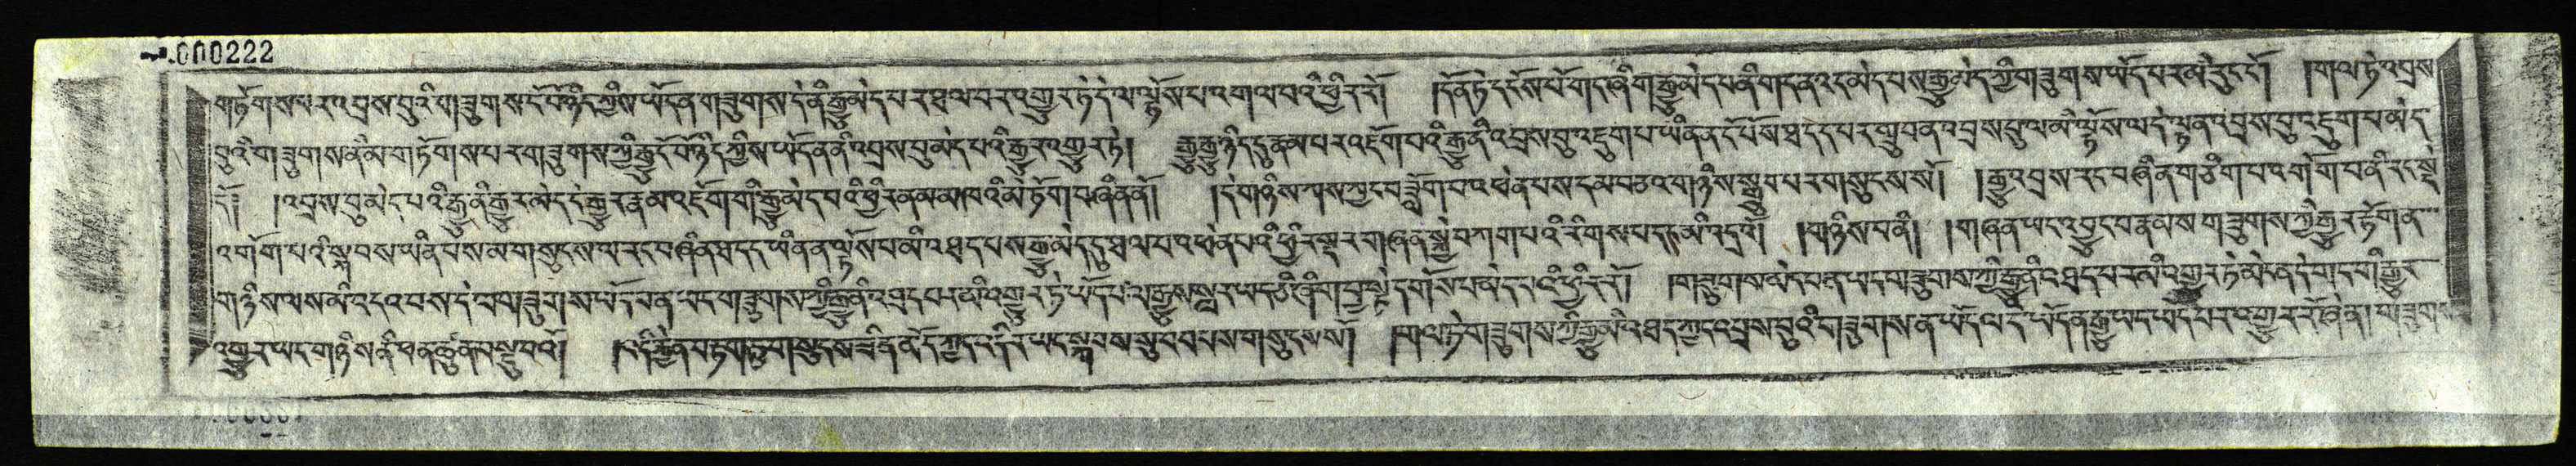གཏོགས་པར་འབྲས་བུའི་གཟུགས་ངོ་བོ་ཉིད་ཀྱིས་ཡོད་ན་གཟུགས་དེ་ནི་རྒྱུ་མེད་པར་ཐལ་བར་འགྱུར་ཏེ་དེ་ལ་ལྟོས་པ་འགལ་བའི་ཕྱིར་རོ། །དོན་ཏེ་དངོས་པོ་གང་ཞིག་རྒྱུ་མེད་པ་ནི་གང་ནའང་མེད་པས་རྒྱུ་མེད་ཀྱི་གཟུགས་ཡོད་པར་མི་རུང་ངོ། །གལ་ཏེ་འབྲས་
བུའི་གཟུགས་ནི་མ་གཏོགས་པར་གཟུགས་ཀྱི་རྒྱུ་ངོ་བོ་ཉིད་ཀྱིས་ཡོད་ན་ནི་འབྲས་བུ་མེད་པའི་རྒྱུར་འགྱུར་ཏེ། རྒྱུ་རྒྱུ་ཉིད་དུ་རྣམ་པར་འཇོག་པའི་རྒྱུ་ནི་འབྲས་བུ་འཇུག་པ་ཡིན་ན་ངོ་བོས་ཐ་དད་པར་གྲུབ་ན་འབྲས་བུ་ལ་མི་ལྟོས་ལ་དེ་ལྟ་ན་འབྲས་བུ་འཇུག་པ་མེད་
དོ༑ །འབྲས་བུ་མེད་པའི་རྒྱུ་ནི་རྒྱུར་མེད་དེ་རྒྱུར་རྣམ་འཇོག་གི་རྒྱུ་མེད་པའི་ཕྱིར་ནམ་མཁའི་མེ་ཏོག་བཞིན་ནོ། །དེ་གཉིས་ཀས་ཀྱང་བཟློག་པ་འཕེན་པས་དམ་བཅའ་གཉིས་སྒྲུབ་པར་གསུངས་སོ། །རྒྱུ་འབྲས་རང་བཞིན་གཅིག་པ་འགོག་པ་ནི་རང་སྡེ་
འགོག་པའི་སྐབས་ཡིན་པས་མ་གསུངས་ལ་རང་བཞིན་ཐ་དད་ཡིན་ན་ལྟོས་པ་མི་འཐད་པས་རྒྱུ་མེད་དུ་ཐལ་བ་འཕེན་པའི་ཕྱིར་སྔར་གཞན་སྐྱེ་བཀག་པའི་རིགས་པ་དང་མི་འདྲའོ། །གཉིས་པ་ནི། །གཞན་ཡང་འབྱུང་བ་རྣམས་གཟུགས་ཀྱི་རྒྱུར་རྟོག་ན་
གཉིས་ལས་མི་འདའ་བས་དེ་ལ་གཟུགས་ཡོད་པ་ན་ཡང་གཟུགས་ཀྱི་རྒྱུ་ནི་འཐད་པར་མི་འགྱུར་ཏེ་ཡོད་པ་ལ་རྒྱུས་སླར་ཡང་ཅི་ཞིག་བྱ་སྟེ་དགོས་པ་མེད་པའི་ཕྱིར་རོ། །གཟུགས་མེད་པ་ན་ཡང་གཟུགས་ཀྱི་རྒྱུ་ནི་འཐད་པར་མི་འགྱུར་ཏེ་མེད་ན་དེ་གང་གི་རྒྱུར་
འགྱུར་ཡང་གཉིས་ནི་ཕན་ཚུན་བསྡུ་བའོ། །འདི་རྐྱེན་བརྟག་ཏུ་གསུངས་ཟིན་མོད་ཀྱང་འདིར་ཡང་སྐབས་སུ་བབ་པས་གསུངས་སོ། །གལ་ཏེ་གཟུགས་ཀྱི་རྒྱུ་མི་འཐད་ཀྱང་འབྲས་བུའི་གཟུགས་ན་ཡོད་ལ་དེ་ཡོད་ན་རྒྱུ་ཡང་ཡོད་པར་འགྱུར་རོ་ཞེ་ན། གཟུགས་